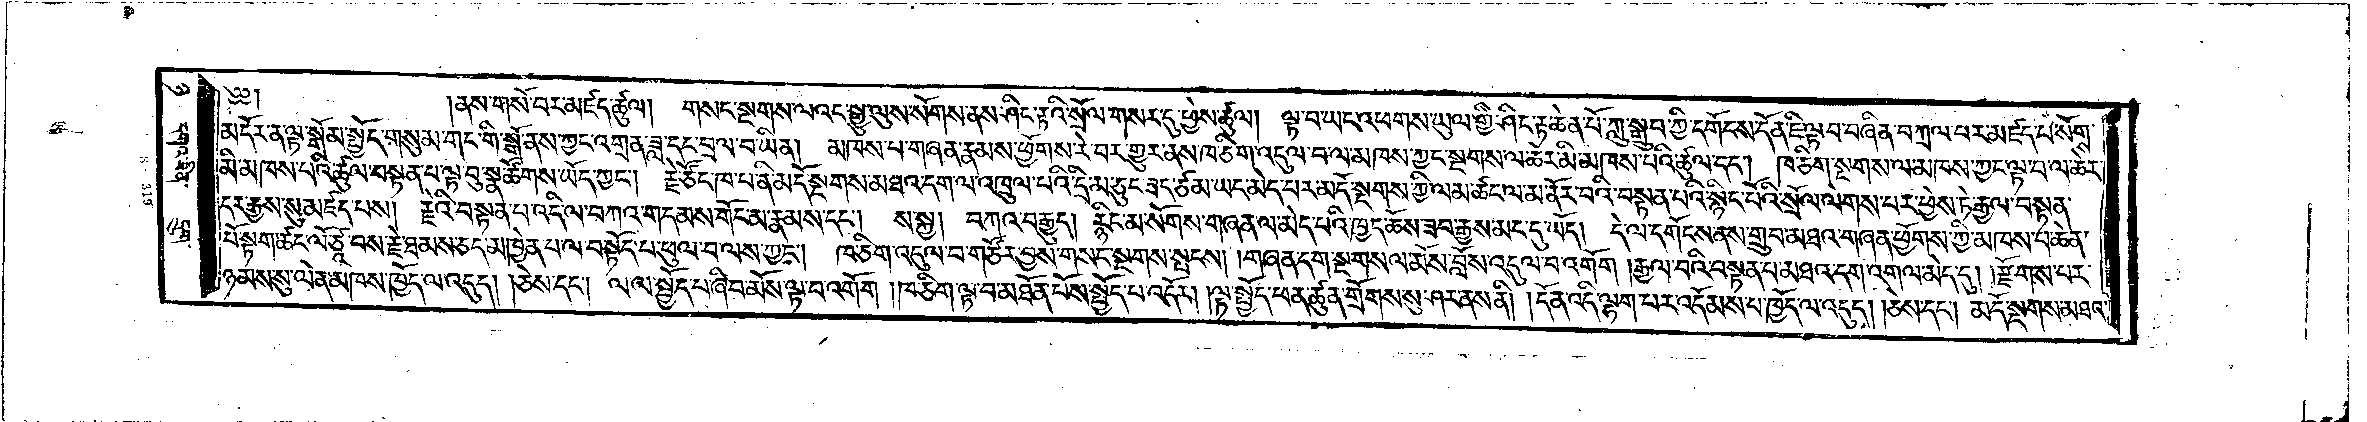༄༅། །ནས་གསོ་བར་མཛད་ཚུལ། གསང་སྔགས་ལའང་སྒྱུ་ལུས་སོགས་ནས་ཤིང་རྟའི་སྲོལ་གསར་དུ་ཕྱེས་ཚུལ། ལྟ་བ་ཡང་འཕགས་ཡུལ་གྱི་ཤིང་རྟ་ཆེན་པོ་ཀླུ་སྒྲུབ་ཀྱི་དགོངས་དོན་ཇི་ལྟ་བ་བཞིན་བཀྲལ་བར་མཛད་པ་སོགས་
མདོར་ན་ལྟ་སྒོམ་སྤྱོད་གསུམ་གང་གི་སྒོ་ནས་ཀྱང་འགྲན་ཟླ་དང་བྲལ་བ་ཡིན། མཁས་པ་གཞན་རྣམས་ཕྱོགས་རེ་བར་གྱུར་ནས་ཁ་ཅིག་འདུལ་བ་ལ་མཁས་ཀྱང་སྔགས་ལ་ཆེར་མི་མཁས་པའི་ཚུལ་དང་། ཁ་ཅིག་སྔགས་ལ་མཁས་ཀྱང་ལྟ་བ་ལ་ཆེར་
མི་མཁས་པའི་ཚུལ་བསྟན་པ་ལྟ་བུ་སྣ་ཚོགས་ཡོད་ཀྱང་། རྗེ་ཙོང་ཁ་པ་ནི་མདོ་སྔགས་མཐའ་དག་ལ་འཁྲུལ་པའི་དྲི་མ་ཅུང་ཟད་ཙམ་ཡང་མེད་པར་མདོ་སྔགས་ཀྱི་ལམ་ཚང་ལ་མ་ནོར་བའི་བསྟན་པའི་སྙིང་པོའི་སྲོལ་ལེགས་པར་ཕྱེས་ཏེ་རྒྱལ་བསྟན་
དར་རྒྱས་སུ་མཛད་པས། རྗེའི་བསྟན་པ་འདི་ལ་བཀའ་གདམས་གོང་མ་རྣམས་དང་། ས་སྐྱ། བཀའ་བརྒྱུད། རྙིང་མ་སོགས་གཞན་ལ་མེད་པའི་ཁྱད་ཆོས་ཟབ་རྒྱས་མང་དུ་ཡོད། དེ་ལ་དགོངས་ནས་གྲུབ་མཐའ་གཞན་ཕྱོགས་ཀྱི་མཁས་པ་ཆེན་
པོ་སྟག་ཚང་ལོ་ཙཱ་བས་རྗེ་ཐམས་ཅད་མཁྱེན་པ་ལ་བསྟོད་པ་ཕུལ་བ་ལས་ཀྱང་། ཁ་ཅིག་འདུལ་བ་གཙོར་བྱས་གསང་སྔགས་སྤངས། །གཞན་དག་སྔགས་ལ་མོས་བློས་འདུལ་བ་འགོག །རྒྱལ་བའི་བསྟན་པ་མཐའ་དག་འགལ་མེད་དུ། །རྫོགས་པར་
ཉམས་སུ་ལེན་མཁས་ཁྱོད་ལ་འདུད། །ཅེས་དང་། ལ་ལ་སྤྱོད་པ་ཞིབ་མོས་ལྟ་བ་འགོག །ཁ་ཅིག་ལྟ་བ་མཐོན་པོས་སྤྱོད་པ་འདོར། །ལྟ་སྤྱོད་ཕན་ཚུན་གྲོགས་སུ་ཤར་ནས་ནི། །དོན་འདི་ལྷག་པར་འདོམས་པ་ཁྱོད་ལ་འདུད། །ཅེས་དང་། མདོ་སྔགས་མཐའ་